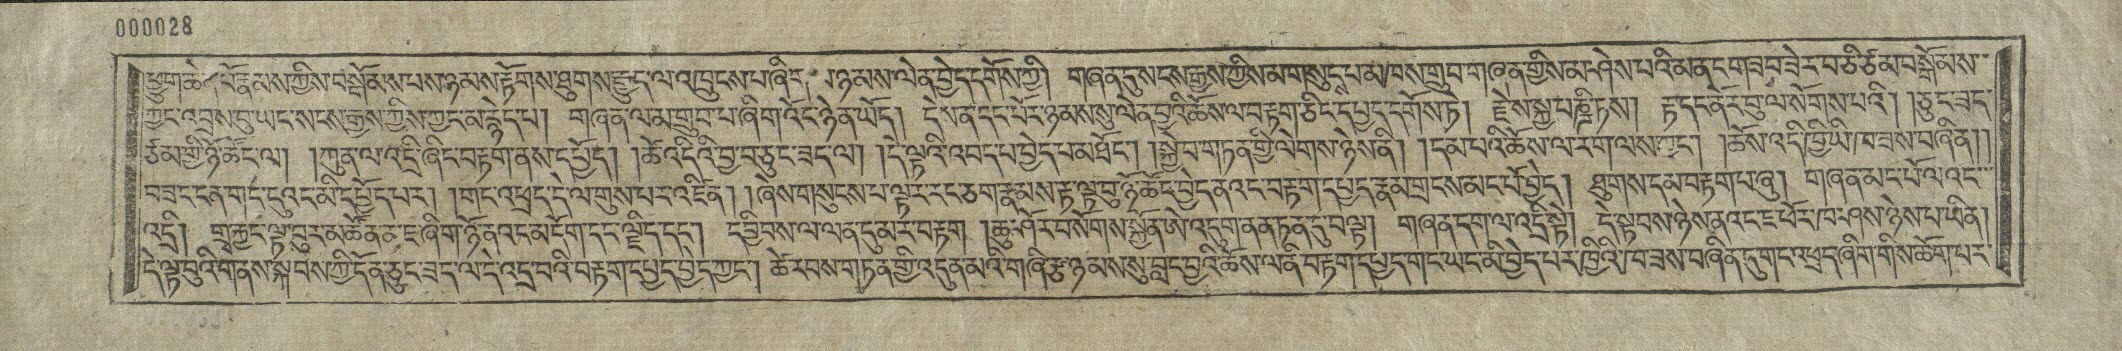ཕྱུག་ཆེན་པོ་རྣམས་ཀྱིས་བསྒོམས་པས་ཉམས་རྟོགས་ཐུགས་རྒྱུད་ལ་འཁྲུངས་པ་ཞིག་ལ་ཉམས་ལེན་བྱེད་དགོས་ཀྱི། གཞན་དུ་སངས་རྒྱས་ཀྱིས་མ་གསུངས་པ་མཁས་གྲུབ་གཞན་གྱིས་མ་ཤེས་པའི་མན་ངག་ཟབ་ཟེར་བ་ཅི་ཙམ་བསྒོམས་
ཀྱང་འབྲས་བུ་ཡང་སངས་རྒྱས་ཀྱིས་ཀྱང་མ་རྙེད་པ། གཞན་ལ་མ་གྲུབ་པ་ཞིག་འོང་ཉེན་ཡོད། དེས་ན་དང་པོར་ཉམས་སུ་ལེན་བྱའི་ཆོས་ལ་བརྟག་ཅིང་དཔྱད་དགོས་ཏེ། རྗེ་ས་སྐྱ་པཎྜི་ཏས། རྟ་དང་ནོར་བུ་ལ་སོགས་པའི། །ཅུང་ཟད་
ཙམ་གྱི་ཉོ་ཚོང་ལ། །ཀུན་ལ་འདྲི་ཞིང་བརྟག་ནས་དཔྱོད། །ཚེ་འདིའི་བྱ་བ་ཅུང་ཟད་ལ། །དེ་ལྟའི་འབད་པ་བྱེད་པ་མཐོང་། །སྐྱེ་བ་གཏན་གྱི་ལེགས་ཉེས་ནི། །དམ་པའི་ཆོས་ལ་རག་ལས་ཀྱང་། །ཆོས་འདི་ཁྱི་ཡི་ཁ་ཟས་བཞིན། །
བཟང་ངན་གང་དུའང་མི་དཔྱོད་པར། །གང་འཕྲད་དེ་ལ་གུས་པར་འཛིན། །ཞེས་གསུངས་པ་ལྟར་རང་ཅག་རྣམས་རྟ་ལྟ་བུ་ཉོ་ཚོང་བྱེད་ནའང་བརྟག་དཔྱད་རྣམ་གྲངས་མང་པོ་བྱེད། ཐུགས་དམ་བརྟག་པ་ཞུ། གཞན་མང་པོ་ལའང་
འདྲི། གྲྭ་རྐྱང་ལྟ་བུར་མཚོན་ན་ཇ་ཞིག་ཉོ་ནའང་མདོག་དང་ལྗིད་དང་། དབྱིབས་ལ་ལན་དུ་མར་བརྟག །ཆུ་ཤོར་བ་སོགས་སྐྱོན་ཨེ་འདུག་ནན་ཏན་དུ་བལྟ། གཞན་དག་ལ་འདྲི་སྟེ། དེ་སྟབས་ཉེས་ནའང་ཇ་ཕོར་ཁ་ཤས་ཉེས་པ་ཡིན།
དེ་ལྟ་བུའི་གནས་སྐབས་ཀྱི་དོན་ཅུང་ཟད་ལ་དེ་འདྲ་བའི་བརྟག་དཔྱད་བྱེད་ཀྱང་། ཚེ་རབས་གཏན་གྱི་འདུན་མའི་གཞི་རྩ་ཉམས་སུ་བླང་བྱའི་ཆོས་ལ་ནི་བརྟག་དཔྱད་གང་ཡང་མི་བྱེད་པར་ཁྱིའི་ཁ་ཟས་བཞིན་དུ་གང་འཕྲད་ཞིག་གིས་ཆོག་པར་